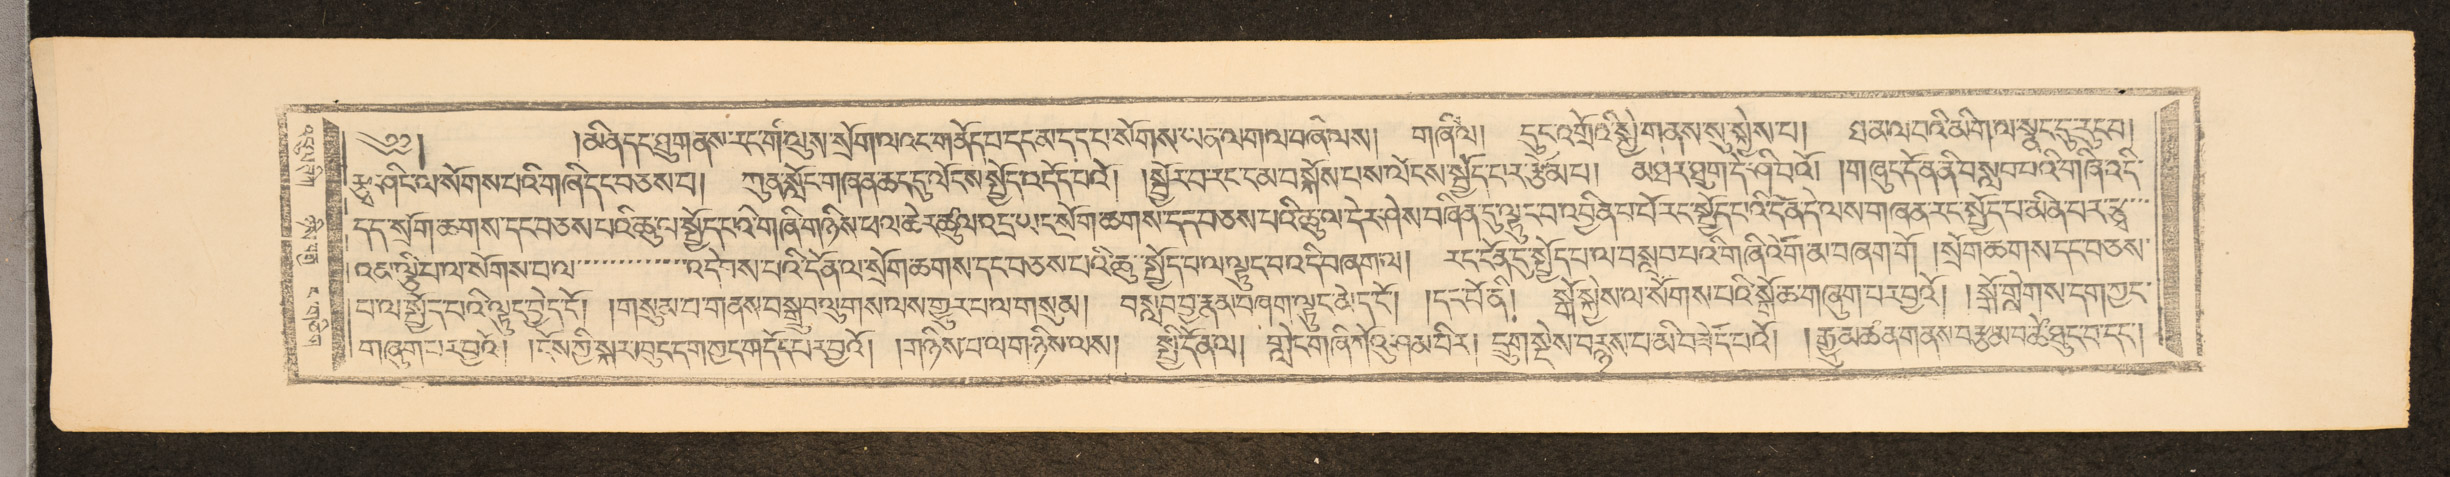༄༅། །མིན་དང་ཐུག་ནས་རང་གི་ལུས་སྲོག་ལའང་གནོད་པ་དང་མ་དད་པ་སོགས་ཡན་ལག་ལ་བཞི་ལས། གཞི་ལ། དུད་འགྲོའི་སྐྱེ་གནས་སུ་སྐྱེས་པ། ཐ་མལ་བའི་མིག་ལ་སྣང་དུ་རུང་བ།
རྩྭ་ཤིང་ལ་སོགས་པའི་གཞི་དང་བཅས་པ། ཀུན་སློང་གཞན་ཆེད་དུ་ལོངས་སྤྱོད་འདོད་པའོ། །སྦྱོར་བ་རང་དམ་བསྐོས་པས་ལོངས་སྤྱོད་པར་རྩོམ་པ། མཐར་ཐུག་དེ་ཤི་པའོ། །གཞུང་དོན་ནི་བསླབ་པའི་གཞི་འདི་
དང་སྲོག་ཆགས་དང་བཅས་པའི་ཆུ་ལ་སྤྱོད་པའི་གཞི་གཉིས་ཕལ་ཆེར་ཚུལ་འདྲ་ཡང་སྲོག་ཆགས་དང་བཅས་པའི་ཆུ་ལ་དེར་ཤེས་བཞིན་དུ་ལྟུང་བ་འབྱིན་པ་པོ་རང་སྦྱོད་པའི་དོན་དེ་ལས་གཞན་རང་སྤྱོད་པ་མིན་པར་རྩྭ་
འམ་ལྕི་པ་ལ་སོགས་པ་ལ་འདེབས་བའི་དོན་ལ་སྲོག་ཆགས་དང་བཅས་པའི་ཆུ་སྤྱོད་པ་ལ་ལྟུང་བ་འདི་བཞག་ལ། རང་དོན་དུ་སྤྱོད་པ་ལ་བསླབ་པའི་གཞི་འོག་མ་བཞག་གོ །སྲོག་ཆགས་དང་བཅས་
པ་ལ་སྤྱོད་པའི་ལྟུང་བྱེད་ངོ། །གསུམ་པ་གནས་བསྒྲུབ་ལུགས་ལས་གྱུར་པ་ལ་གསུམ། བསླབ་བྱ་རྣ་མ་བཞག་ལྟུང་མེད་དོ། །དང་པོ་ནི། སྒོ་སྐྱེས་ལ་སོགས་བའི་སྒོ་ཆ་གཞུག་པར་བྱའོ། །སྒོ་གླེག་ས་ངག་ཀྱང་
གཞུག་པར་བྱའོ། །ངོས་ཀྱི་སྐར་ཁུད་དག་ཀྱང་གདོད་པར་བྱའོ། །གཉིས་པ་ལ་གཉིས་ལས། སྦྱི་དོན་ལ། གླེང་གཞི་ཀོའུ་ཤམ་བིར། དྲུག་སྡེས་བརྙས་པ་མི་བཟོད་པའོ། །རྒྱུ་མཚན་གནས་བརྩམ་པ་ཚེ་ཐུང་བ་དང་།